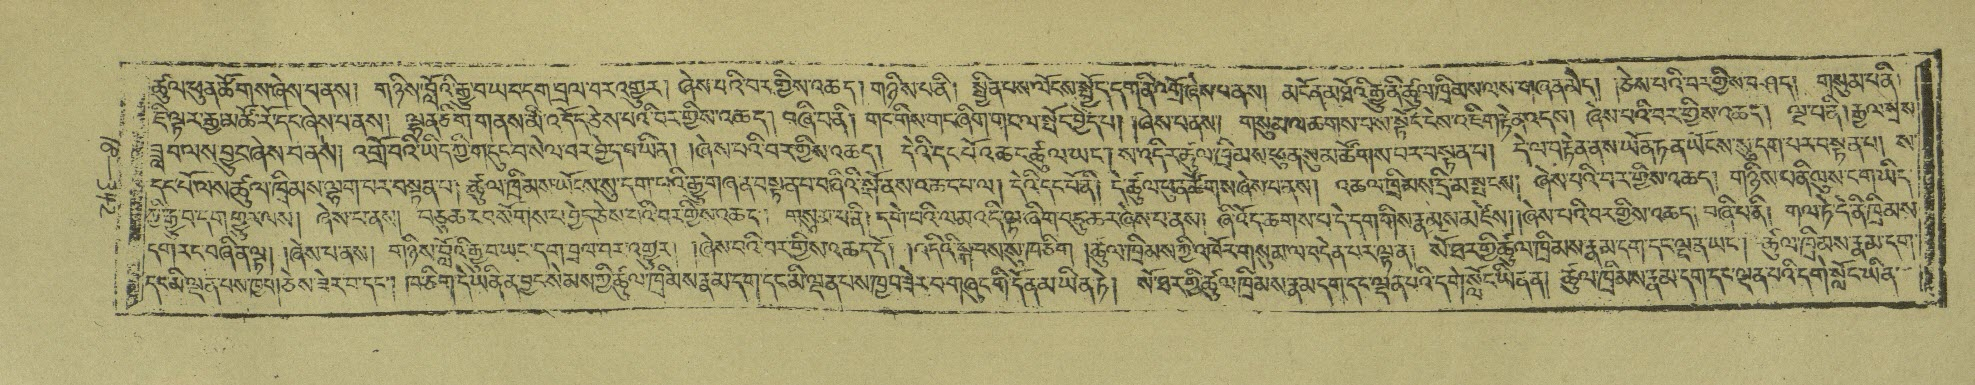ཚུལ་ཕུན་ཚོགས་ཞེས་པ་ནས། གཉིས་བློའི་རྒྱུ་བ་ཡང་དག་བྲལ་བར་འགྱུར། ཞེས་པའི་བར་གྱིས་འཆད། གཉིས་པ་ནི། སྦྱིན་པས་ལོངས་སྤྱོད་དག་ནི་འགྲོ་ཞེས་པ་ནས། མངོན་མཐོའི་རྒྱུ་ནི་ཚུལ་ཁྲིམས་ལས་གཞན་མེད། །ཅེས་པའི་བར་གྱིས་བཤད། གསུམ་པ་ནི།
ཇི་ལྟར་རྒྱ་མཚོ་རོ་དང་ཞེས་པ་ནས། ལྷན་ཅིག་གནས་མི་འདོད་ཅེས་པའི་བར་གྱིས་འཆད། བཞི་པ་ནི། གང་གིས་གང་ཞིག་གང་ལ་སྤོང་བྱེད་པ། །ཞེས་བ་ནས། གསུམ་ལ་ཆགས་པས་སྟོང་ངེས་འཇིག་རྟེན་འདས། ཞེས་པའི་བར་གྱིས་འཆད། ལྔ་པ་ནི། རྒྱལ་སྲས་
ཟླ་བ་ལས་བྱུང་ཞེས་པ་ནས། འགྲོ་བའི་ཡིད་ཀྱི་གདུང་བ་སེལ་བར་བྱེད་པ་ཡིན། །ཞེས་པའི་བར་གྱིས་འཆད། དེའི་དང་པོ་འཆང་ཚུལ་ཡང་། ས་འདིར་ཚུལ་ཁྲིམས་ཕུན་སུམ་ཚོགས་པར་བསྟན་པ། དེ་ལ་བརྟེན་ནས་ཡོད་ཏན་ཡོངས་སུ་དག་པར་བསྟན་པ། ས་
དང་པོ་ལས་ཚུལ་ཁྲིམས་ལྷག་པར་བསྟན་བ། ཚུལ་ཁྲིམས་ཡོངས་སུ་དག་པའི་རྒྱུ་གཞན་བསྟན་པ་བཞིའི་སྒོ་ནས་འཚང་བ་ལ། དེའི་དང་པོ་ནི། དེ་ཚུལ་ཕུན་ཚོགས་ཞེས་པ་ནས། འཆལ་ཁྲིམས་དྲི་མ་སྤངས། ཞེས་པའི་བར་གྱིས་འཆད། གཉིས་པ་ནི་ལུས་ངག་ཡིད་
ཀྱི་རྒྱུ་བ་དག་གྱུར་བས། ཞེས་པ་ནས། བཅུ་ཆར་བ་སོགས་པ་བྱེད་ཅེས་པའི་བར་གྱིས་འཆད། གསུམ་པ་ནི། དགེ་བའི་ལམ་འདི་ལྟ་ཞིག་བཅུ་ཆར་ཞེས་པ་ནས། ཞི་འོད་ཆགས་པ་དེ་དག་གིས་རྣམས་མཛེས། །ཞེས་པའི་བར་གྱིས་འཆད། བཞི་པ་ནི། གལ་ཏེ་དེ་ནི་ཁྲིམས་
དག་རང་བཞིན་ལྟ། །ཞེས་པ་ནས། གཉིས་བློའི་རྒྱུ་བ་ཡང་དག་བྲལ་བར་འགྱུར། །ཞེས་པའི་བར་གྱིས་འཆད་དོ། །འདིའི་སྐབས་སུ་ཁ་ཅིག །ཚུལ་ཁྲིམས་ཀྱི་འཁོར་གསུམ་ལ་བདེན་པར་ལྟ་ན། སོ་ཐར་གྱི་ཚུལ་ཁྲིམས་རྣམ་དག་དང་ལྡན་ཡང་། ཚུལ་ཁྲིམས་རྣམ་དག་
དང་མི་ལྡན་པས་ཁྱབ། ཅེས་ཟེར་བ་དང་། ཁ་ཅིག་དེ་ཡིན་ན་བྱང་སེམས་ཀྱི་ཚུལ་ཁྲིམས་རྣམ་དག་དང་མི་ལྡན་པས་ཁྱབ་ཟེར་བ་གཞུང་གི་དོན་མ་ཡིན་ཏེ། སོ་ཐར་གྱི་ཚུལ་ཁྲིམས་རྣམ་དག་དང་ལྡན་པའི་དགེ་སློང་ཡིན་ན། ཚུལ་ཁྲིམས་རྣམ་དག་དང་ལྡན་པའི་དགེ་སློང་ཡིན་